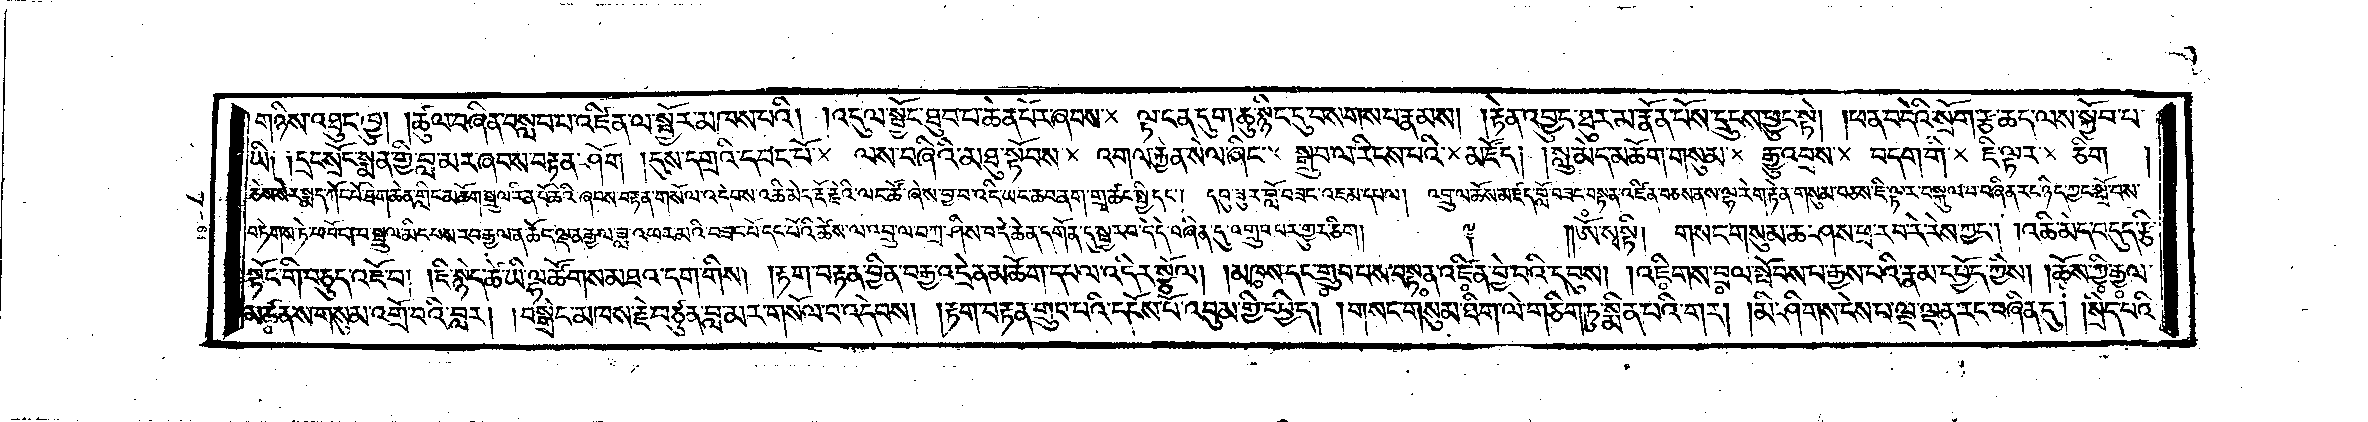གཉིས་འཐུང་ཁྱུ། །ཚུལ་བཞིན་བསླང་པ་འཛིན་ལ་སྦྱོར་མཁས་པའི། །འདུལ་སྦྱོང་ཐུབ་པ་ཆེན་པོར་ཞབས་྾་ལྟ་ངན་དུག་ཆུ་སྙིང་དུ་བསགས་པ་རྣམས། །རྟེན་འབྱུང་ཐུར་མ་རྣོན་པོས་དྲུངས་ཕྱུང་སྟེ། །ཕན་བདེའི་སྲོག་རྩ་ཆད་ལས་སྐྱོབ་པ་
ཡི༑ ༑དྲང་སྲོང་སྨན་གྱི་བླ་མར་ཞབས་བརྟན་ཤོག །དུས་དགྲའི་དབང་བོ་྾་ལས་བཞིའི་མཐུ་སྟོབས་྾་འགལ་རྐྱེན་སེལ་ཞིང་྾་སྒྲུབ་ལ་རིངས་པའི་྾་མཛོད། །སླུ་མེད་མཆོག་གསུམ་྾་རྒྱུ་འབྲས་྾་བདག་གི་྾་ཇི་ལྟར་྾་ཅིག །
ཅེས་སེར་སྨད་ཀོང་པོ་ཐེག་ཆེན་གླིང་མཆོག་སྤྲུལ་རིན་པོ་ཆེའི་ཞབས་བརྟན་གསོལ་འདེབས་འཆི་མེད་རྡོ་རྗེའི་ལང་ཚོ་ཞེས་བྱ་བ་འདི་ཡང་ཆབ་ནག་གྲྭ་ཚང་སྤྱི་དང་། དབུ་ཟུར་བློ་བཟང་འཇམ་དཔལ། འབྲུ་ལ་ཆོས་མཛད་བློ་བཟང་བསྟན་འཛིན་བཅས་ནས་ལྷ་རེག་རྟེན་གསུམ་བཅས་ཇི་ལྟར་བསྐུལ་བ་བཞིན་རང་ཉིད་ཀྱང་སྤྲོ་བས་
བཏེགས་ཏེ་ཕ་བོང་ཁ་སྤྲུལ་མིང་པས་རབ་རྒྱལ་ན་ཚོད་ལྡན་རྒྱལ་ཟླ་བ་ཕར་མའི་བཟང་པོ་དང་པོའི་ཚེས་ལ་འབྲུ་ལ་བཀྲ་ཤིས་བདེ་ཆེན་དགོན་དུ་སྦྱར་བ་དེ་དེ་བཞིན་དུ་འགྲུབ་པར་གྱུར་ཅིག ། ༈ །།ཨོཾ་སྭ་སྟི། གསང་གསུམ་ཆ་ཤས་ཕྲ་རབ་རེ་རེས་ཀྱང་། །འཆི་མེད་བདུད་རྩི་
སྟོང་གི་བཅུད་འཇོ་བ། །ཇི་སྙེད་ཚེ་ཡི་ལྷ་ཚོགས་མཐའ་དག་གིས། །རྟག་བརྟན་བྱིན་བརྒྱ་འདྲེན་མཆོག་དཔལ་འདིར་སྩོལ། །མཁས་དང་གྲུབ་པས་བསྟན་འཛིན་བྱེ་བའི་དབུས། །འཇིགས་བྲལ་སྤོབས་པ་རྒྱས་པའི་རྣམ་དཔྱོད་ཀྱིས། །ཆོས་ཀྱི་རྒྱལ་
མཚན་ས་གཅུ་མ་འཕྲོ་བའི་བླར། །བསྒྲེང་མཁས་རྗེ་བཙུན་བླ་མར་གསོལ་བ་འདེབས། །རྟག་བརྟན་གྲུབ་པའི་དངོས་པོ་འབུམ་གྱི་དཔྱིད། །གསང་གསུམ་ཐིག་ལེ་གཅིག་ཏུ་སྨིན་པའི་གར། །མི་ཤིགས་ངེས་པ་ལྔ་ལྡན་རང་བཞིན་དུ། །སྲིད་པའི་